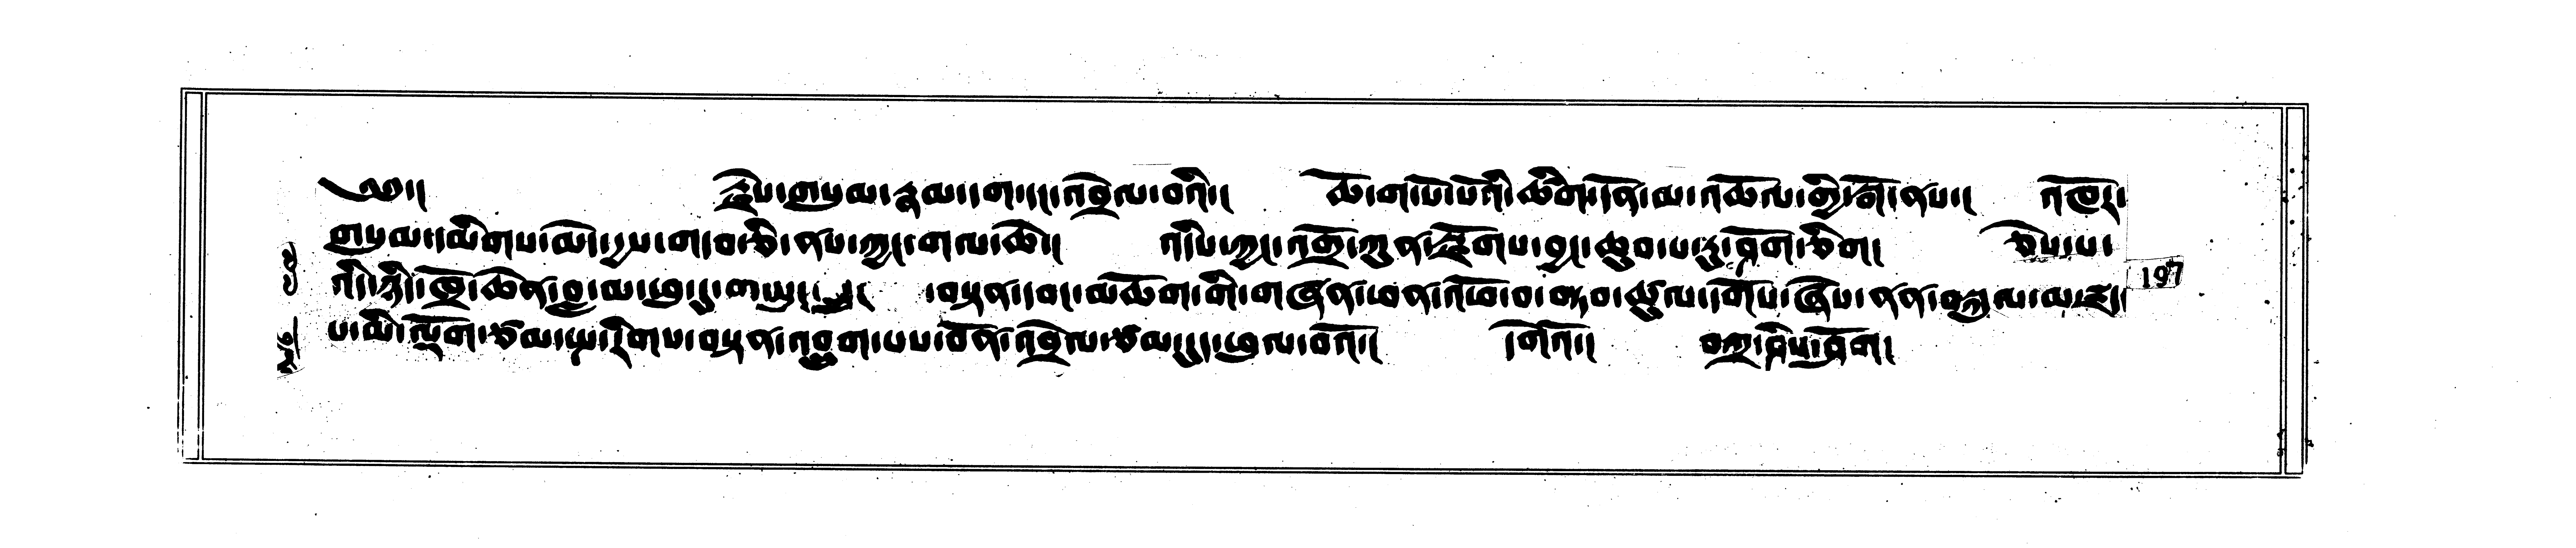རྗེས་གསུམ་རྣམ་དག་དང་འབྲེལ་བའི། །ཆོ་ག་སོ་སོའི་ཚིག་དོན་མ་འཆོལ་བའི་སྒོ་ནས། །འཁོར་
གསུམ་དམིགས་མེད་རྒྱས་གདབ་ཅི་ནས་ཀྱང་གལ་ཆེ། །འདིས་ཀྱང་འགྲོ་ཀུན་རྫོགས་བྱང་ཆུབ་པ་རུ་ཤོག་ཅིག །ཅེས་པ་
འདི་ཉིད་ཁྲོ་ཆེན་བླ་མ་ཕུ་དུ་གཡུང་དྲུང་བསྟན་དབང་མཆོག་གིས་གཞན་ཕན་འཕོ་བ་བཏབ་ཚུལ་དགོས་ཞེས་ནན་བསྐུལ་མཛད་
པ་མི་ལྡོག་ཙམ་སྤ་རིགས་བསྟན་འབྲུག་པས་བོན་འབྲེལ་ཙམ་དུ་ཕུལ་བའོ།། །།དགེའོ། བཀྲ་ཤིས་ཤོག །